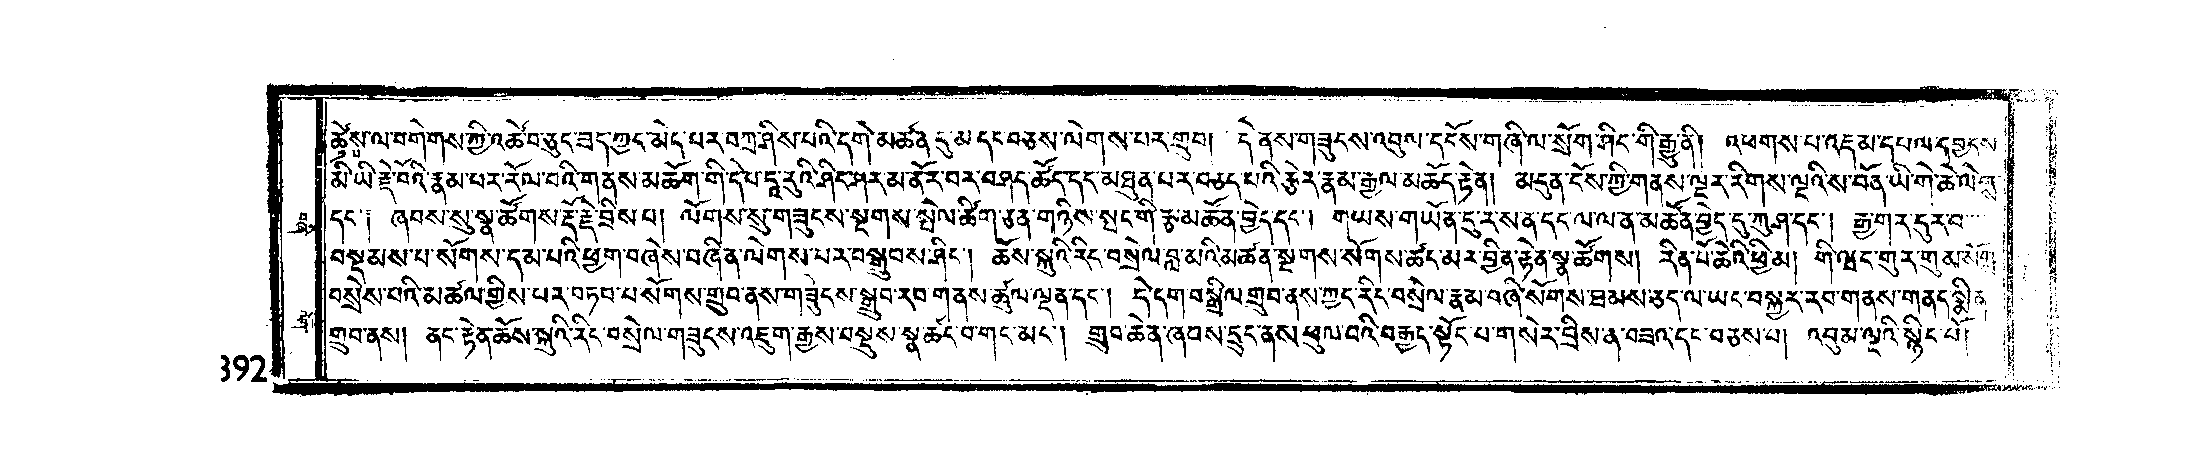ཚེས ༡༥་ལ་བགེགས་ཀྱི་འཚེ་བ་ཅུང་ཟད་ཀྱང་མེད་པར་བཀྲ་ཤིས་པའི་དགེ་མཚན་དུ་མ་དང་བཅས་ལེགས་པར་གྲུབ། དེ་ནས་གཟུངས་འབུལ་དངོས་གཞི་ལ་སྲོག་ཤིང་གི་རྒྱུ་ནི། འཕགས་པ་འཇམ་དཔལ་དབྱངས་
མི་ཡི་རྗེ་བོའི་རྣམ་པར་རོལ་བའི་གནས་མཆོག་གི་དེ་པ་དཱ་རུའི་ཤིང་ཤར་མ་ནོར་བར་བཤད་ཚོད་དང་མཐུན་པར་བཅད་པའི་རྩེར་རྣམ་རྒྱལ་མཆོད་རྟེན། མདུན་ངོས་ཀྱི་གནས་ལྔར་རིགས་ལྔའི་ས་བོན་ཡི་གེ་ཆེ་ལེགས་
དང་། ཞབས་སུ་སྣ་ཚོགས་རྡོ་རྗེ་བྲིས་པ། ལོགས་སུ་གཟུངས་སྔགས་སྤེལ་ཚིག་ཅན་གཉིས་སྤང་གི་རྩ་མཚོན་བྱེད་དང་། གཡས་གཡོན་དུ་ར་ས་ན་དང་ལ་ལ་ན་མཚོན་བྱེད་དུ་ཀུ་ཤ་དང་། རྒྱ་གར་དུར་བ་
བསྡམས་པ་སོགས་དམ་པའི་ཕྱག་བཞེས་བཞིན་ལེགས་པར་བསྒྲུབས་ཤིང་། ཆོས་སྐུའི་རིང་བསྲེལ་བླ་མའི་མཚན་སྔགས་སོགས་ཚང་མར་བྱིན་རྟེན་སྣ་ཚོགས། རིན་པོ་ཆེའི་ཕྱི་མ། གི་ཝང་གུར་གུམ་སོགས་
བསྲེས་པའི་མཚལ་གྱིས་པར་བཏབ་པ་སོགས་གྲུབ་ནས་གཟུངས་སྒྲུབ་རབ་གནས་ཚུལ་ལྡན་དང་། དེ་དག་བསྒྲིལ་གྲུབ་ནས་ཀྱང་རིང་བསྲེལ་རྣམ་བཞི་སོགས་ཐམས་ཅད་ལ་ཡང་བསྐྱར་རབ་གནས་གནད་སྨིན་
གྲུབ་ནས། ནང་རྟེན་ཆོས་སྐུའི་རིང་བསྲེལ་གཟུངས་འཇུག་རྒྱས་བསྡུས་སྣ་ཚང་བ་གང་མང་། གྲུབ་ཆེན་ཞབས་དྲུང་ནས་ཕུལ་བའི་བརྒྱད་སྟོང་པ་གསེར་བྲིས་ན་བཟའ་དང་བཅས་པ། འབུམ་ལྔའི་སྙིང་པོ།